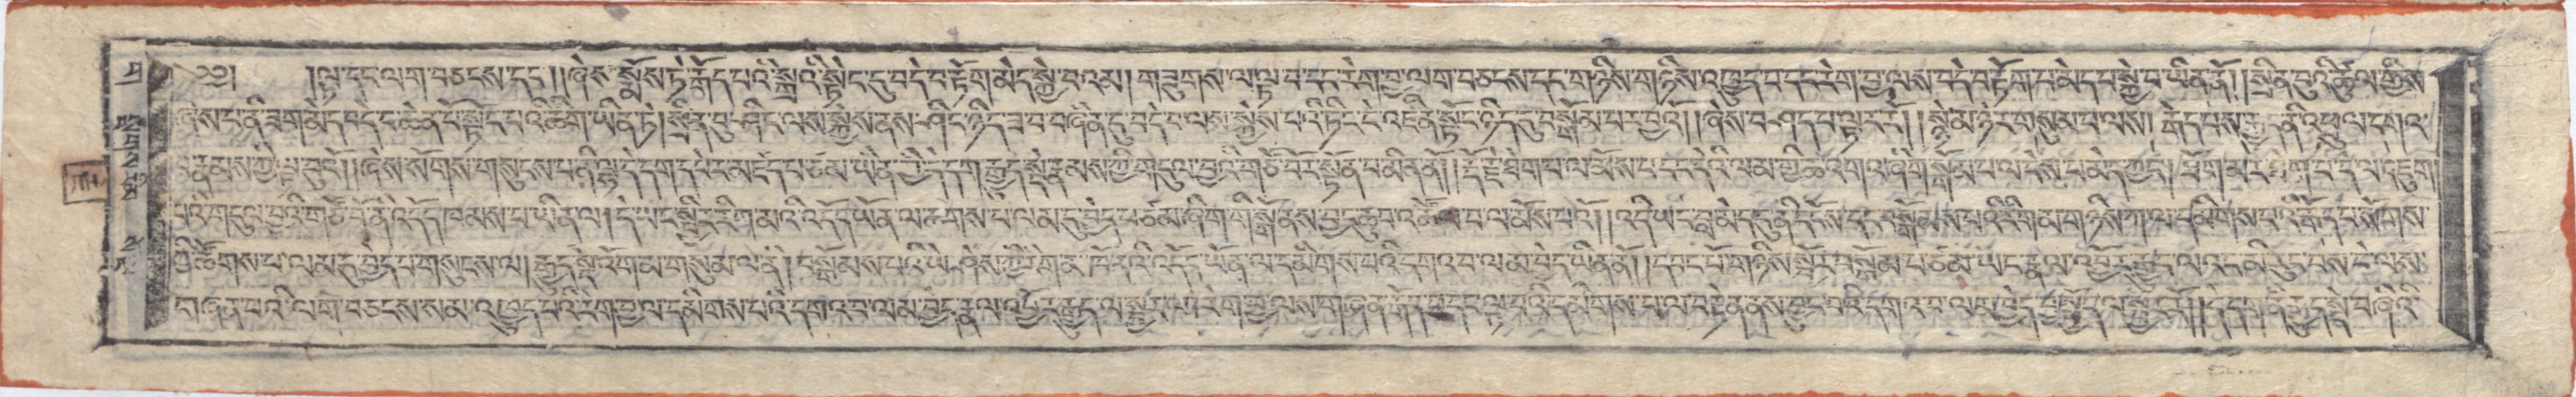༄༅། །ལྟ་དང་ལག་བཅངས་དང་། །ཞེས་སྨོས་ཏེ་རྒོད་པའི་སྒྲའི་སྟེང་དུ་བདེ་བ་རྟོག་མེད་སྐྱེ་བའམ། གཟུགས་ལ་ལྟ་བ་དང་རེག་བྱ་ལག་བཅངས་དང་གཉིས་གཉིས་འཁྱུད་པ་དང་རེག་བྱ་ལས་བདེ་བ་རྟོག་པ་མེད་པ་སྐྱེ་བ་ཡིན་ནོ། །སྲིན་བུའི་ཚུལ་གྱིས་
ཞེས་པ་ནི་ཟག་མེད་བདེ་བ་ཆེན་པོ་སྟོང་པའི་ཚིག་ཡིན་ཏེ། སྲིན་བུ་ཤིང་ལས་སྐྱེས་ནས་ཤིང་ཉིད་ཟ་བ་བཞིན་དུ་བདེ་བ་ལས་སྐྱེས་པའི་ཏིང་ངེ་འཛིན་སྟོང་ཉིད་དུ་བསྒོམ་པར་བྱའོ། །ཞེས་བཤད་པ་ལྟར་རོ། །སྙེ་མ་ཉེར་གསུམ་པ་ལས། རྒོད་པས་རྒྱུད་ནི་འཕྲུལ་དགའ་
བ་རྣམས་ཀྱི་ལྟ་བུའོ། །ཞེས་སོགས་གསུངས་པ་ནི་ལྷ་དེ་དག་དཔེར་མཛད་པ་ཙམ་ཡིན་གྱི་དེ་དག་རྒྱུད་སྡེ་རྣམས་ཀྱི་གདུལ་བྱའི་གཙོ་བོར་སྟོན་པ་མིན་ནོ། །རྡོ་རྗེ་ཐེག་པ་ལ་མོས་པ་དང་དེའི་ལམ་གྱི་ཆ་འགའ་ཞིག་སྒོམ་པ་ལ་ངེས་པ་མེད་ཀྱང་། ཐོག་མར་ཐེག་པ་དེ་ལ་འཇུག་
པའི་གདུལ་བྱའི་གཙོ་བོ་ནི་འདོད་ཁམས་པ་ཡིན་ལ། དེ་ཡང་སྤྱིར་རིག་མའི་འདོད་ཡོན་ལ་ཆགས་པ་ལམ་དུ་བྱེད་པ་ཙམ་ཞིག་གི་སྒོ་ནས་བྱང་ཆུབ་འཚོལ་བ་ལ་མོས་པའོ། །འདི་ཡང་བླ་མེད་དུ་ནི་དངོས་དང་བསྒོམས་པའི་རིག་མ་གཉིས་ཀ་ལ་དམིགས་པའི་རྒོད་པ་སོགས་
ཀྱི་ཚོགས་པ་ལམ་དུ་བྱེད་པ་གསུངས་ལ། རྒྱུད་སྡེ་འོག་མ་གསུམ་ལ་ནི། བསྒོམ་པའི་ཡེ་ཤེས་ཀྱི་རིག་མ་ཁོ་ནའི་འདོད་ཡོན་ལ་དམིགས་པའི་དགའ་བ་ལམ་བྱེད་ཡིན་ནོ། །དབང་པོ་གཉིས་སྦྱོར་བསྒོམ་པ་ཙམ་ཡང་རྣལ་འབྱོར་རྒྱུད་ལའང་མི་རུང་བས་དེ་ལས་
གཞན་པའི་ལག་བཅངས་སམ་འཁྱུད་པའི་རེག་བྱ་ལ་དམིགས་པའི་དགའ་བ་ལམ་བྱེད་རྣལ་འབྱོར་རྒྱུད་ལ་སྦྱར་ལ། རེག་བྱ་ལས་གཞན་རྒོད་པ་དང་ལྟ་བའི་དམིགས་པ་ལ་བརྟེན་ནས་བྱུང་བའི་དགའ་བ་ལམ་བྱེད་བྱ་སྤྱོད་ལ་སྦྱར་རོ། །དེ་དག་ནི་རྒྱུད་སྡེ་བཞིའི་